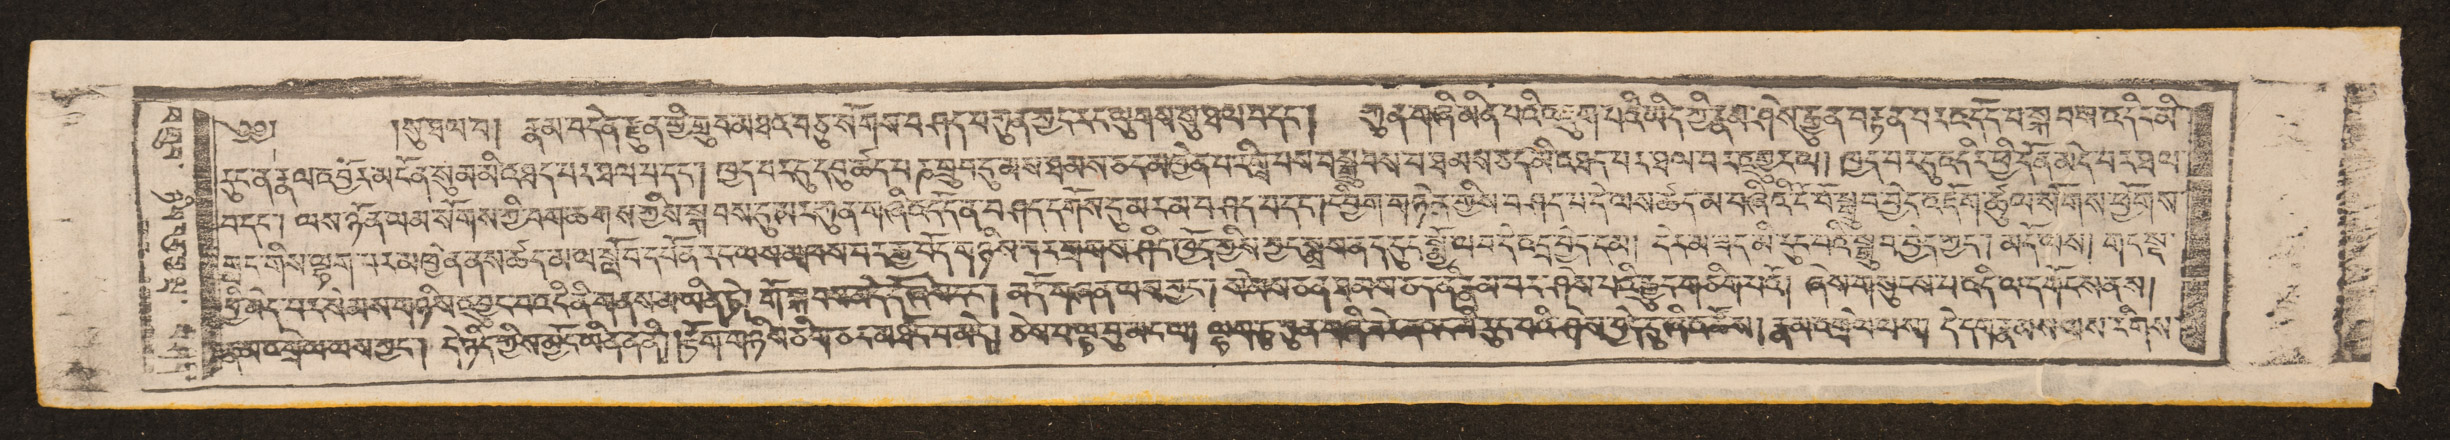༄༅། །སུ་ཐལ་བ། རྣམ་བདེན་རྫུན་གྱི་གྲུབ་མཐའ་བཅུ་སོགས་བཤད་པ་ཀུན་ཀྱང་རང་ལུགས་སུ་ཐལ་བ་དང་། ཀུན་གཞི་མིན་པའི་འཇུག་པའི་ཡིད་ཀྱི་རྣམ་ཤེས་རྒྱུན་བརྟན་པར་འདོད་པ་སྐབས་འདིར་མི་
དུང་ན་རྣལ་འབྱོར་མངོན་སུམ་མི་འཐད་པར་ཐལ་བ་དང་། ཁྱད་པར་དུ་དབུ་ཚད་པཎ་གྲུབ་དུ་མས་ཐམས་ཅད་མཁྱེན་པ་རིགས་པས་བསྒྲུབས་པ་ཐམས་ཅད་མི་འཐད་པར་ཐལ་བར་འགྱུར་ལ། ཁྱད་པར་དུ་འདིར་ཕྱི་དོན་མེད་པར་ཐལ་
བ་དང་། ལས་ཉོན་ལམ་སོགས་ཀྱི་བག་ཆགས་ཀྱིས་སྐབས་དུ་མར་ཀུན་གཞི་འདོད་ན་བཤད་དགོས་དུ་མར་མ་བཤད་པ་དང་། དབྱིག་གཉེན་གྱིས་བཤད་པ་དེ་ལས་ཚད་མ་བཞིའི་ངོ་བོ་སྒྲུབ་བྱེད་འཇོག་ཚུལ་སོགས་ཕྱོགས་
གླང་གིས་ལྷག་པར་མཁྱེན་ནས་ཚད་མ་ལ་སློབ་དཔོན་རང་ལས་མཁས་པར་རྒྱ་བོད་གཉིས་ཀར་གྲགས་ཤིང་ཁྱོད་ཀྱིས་ཀྱང་སྨྲས་ནད་དུང་སྨྱོ་ལབ་དེ་འདྲ་བྱེད་དམ། དེར་མ་ཟད་མི་རུང་བའི་སྒྲུབ་བྱེད་ཀྱང་། མདོ་ལས། གང་སྔ་
ཕྱི་མེད་པར་སེམས་གཉིས་འབྱུང་བ་འདི་ནི་གནས་མ་ཡིན་ཏེ། གོ་སྐབས་མེད་དོ་ཞེས་དང་། མདོ་གཞན་ལས་ཀྱང་། སེམས་ཅན་ཐམས་ཅད་ནི་རྣམ་པར་ཤེས་པའི་རྒྱུད་གཅིག་པའོ། ཞེས་གསུངས་པ་འདི་ལ་དགོངས་ནས།
རྣམ་འགྲེལ་ལས་ཀྱང་། དེ་ཉིད་ཀྱིས་མྱོང་ཡིན་ན་ནི། །རྟོག་གཉིས་ཅིག་ཅར་མཐོང་བ་མེད། ཅེས་པ་ལྟ་བུ་མང་ལ། ལྷག་ཏུ་ཀུན་གཞི་ཟེར་ནའང་མི་རུང་བའི་ཤེས་བྱེད་དུ་ཞི་འཚོས། རྣམ་འགྲེལ་ལས། དེ་དག་རྣམས་ལས་རིགས་